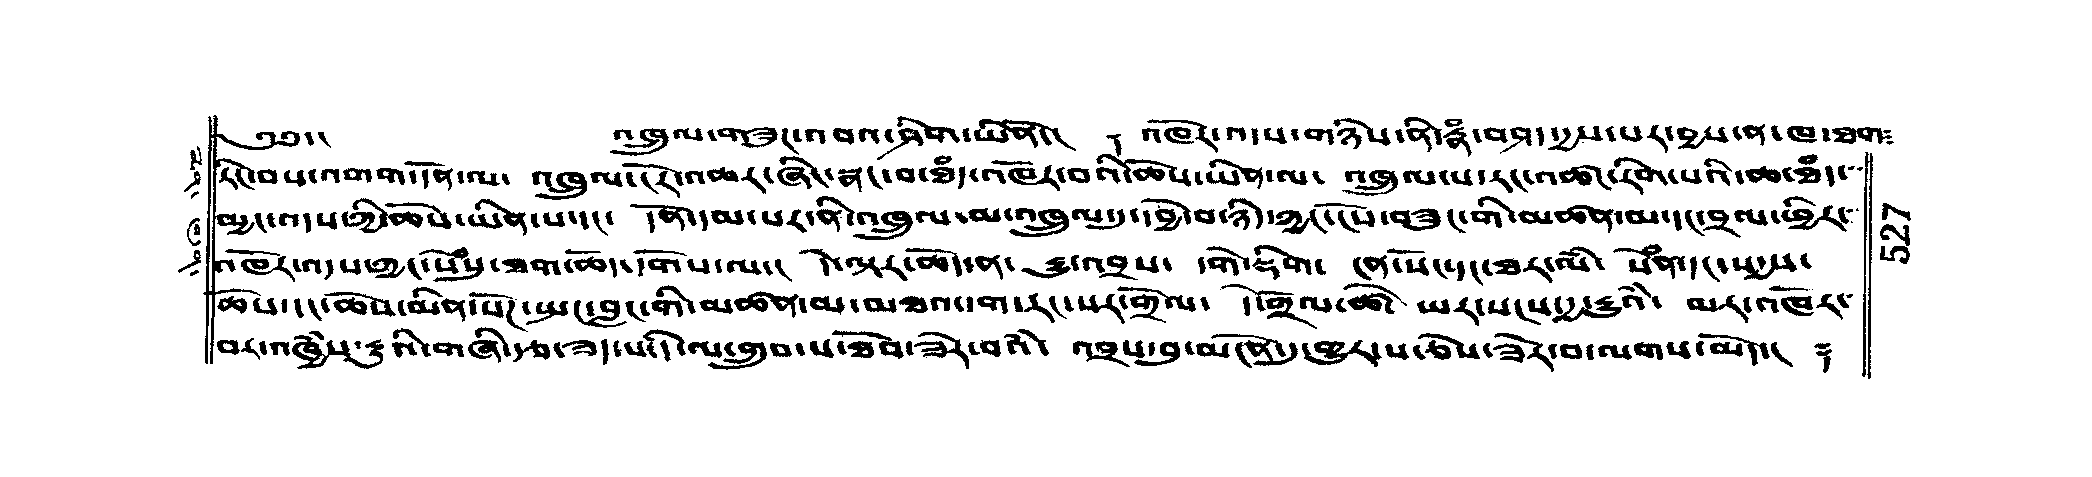འཁྲུལ་གཟུགས་འབའ་ཤིག་ཡིན་ནོ། ༈ འཁོར་འདས་གཉིས་ནི་རྣམ་བཤད་རྒྱས་པར་བྱས་ན་ཁ་ཐག་
རིང་བས་འགག་དོན་ལ། འཁྲུལ་ངོར་འཆར་ཞིང་སྣང་བ་ཐམས་ཅད་འཁོར་བའི་ཆོས་ཡིན་ལ། འཁྲུལ་པ་རང་མཚང་རིག་པའི་ཆ་ཐམས་ཅད་
མྱང་འདས་ཀྱི་ཆོས་ཡིན་པ་དང་། དོན་དམ་པར་ནི་འཁྲུལ་མ་འཁྲུལ་དུ་དབྱེ་བ་ཉིད་ཀྱང་ངོས་བཟུང་གི་མཚན་མ་དང་བྲལ་ཕྱིར་
འཁོར་འདས་ཀྱང་སེམས་སུ་ཐག་ཆོད་དགོས་ལ། དེ་ལྟར་ཆོད་ན། རྒྱུ་འབྲས། དགེ་སྡིག ངན་སོང་དང་ཐར་ལམ། སེམས་ཅན་དང་སངས་རྒྱས་
ཆོས་དང་ཆོས་མིན་སོགས་སྤང་བླང་གི་མཚན་མ་མཐའ་དག་རང་སར་གྲོལ། དེ་གྲོལ་ཚེ། ཡར་སངས་རྒྱས་རྒྱུའམ། མར་འཁོར་
བར་འཁྱམས་རྒྱུའི་གཞི་རྩ་ཟད་པ་དེ་ལ་གྲུབ་པ་ཐོབ་ཟེར་བའམ། འབྲས་བུ་མངོན་དུ་གྱུར་པ་ཞེས་ཟེར་བ་ལགས་མོད། ༈